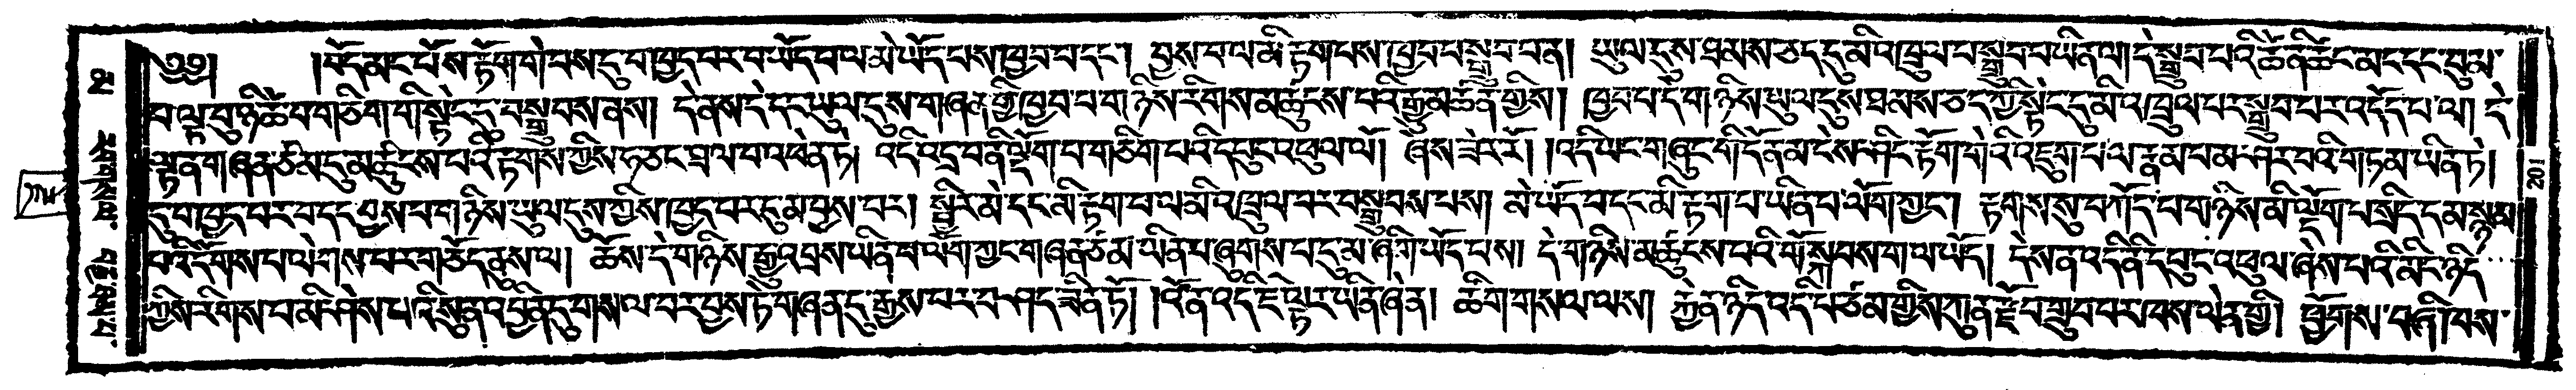༄༅། །བོད་མང་པོས་རྟོག་གེ་བས་དུ་བ་ཁྱད་པར་བ་ཡོད་པ་ལ་མེ་ཡོད་པས་ཁྱབ་པ་དང་། བྱས་པ་ལ་མི་རྟག་པས་ཁྱབ་པ་སྒྲུབ་པ་ན། ཡུལ་དུས་ཐམས་ཅད་དུ་མི་འཁྲུལ་པ་སྒྲུབ་པ་ཡིན་ལ། དེ་སྒྲུབ་པའི་ཚེ་ནི་ཚང་མང་དང་བུམ་
པ་ལྟ་བུ་ཉི་ཚེ་བ་གཅིག་གི་སྟེང་དུ་བསྒྲུབས་ནས། དེ་ནས་དེ་དང་ཡུལ་དུས་གཞན་གྱི་ཁྱབ་པ་གཉིས་རིགས་མཚུངས་པའི་རྒྱུ་མཚན་གྱིས། ཁྱབ་པ་དེ་གཉིས་ཡུལ་དུས་ཐམས་ཅད་ཀྱི་སྟེང་དུ་མི་འཁྲུལ་བར་སྒྲུབ་པར་འདོད་པ་ལ། དེ་
ལྟ་ན་གཞན་ཙམ་དུ་མཚུངས་པའི་རྟགས་ཀྱིས་ཧ་ཅང་ཐལ་བ་འཕེན་ཏེ། འདི་འདྲ་བ་ནི་ལྡོག་པ་གཅིག་པའི་དཔུང་འཕུལ་ལོ། ཞེས་ཟེར་རོ། །འདི་ཡང་གཞུང་གི་དོན་མ་ངེས་ཤིང་རྟོག་གེའི་འཇུག་པ་ལ་རྣམ་པ་མ་ཤར་བའི་གཏམ་ཡིན་ཏེ།
དུ་བ་ཁྱད་པར་བ་དང་བྱས་པ་གཉིས་ཡུལ་དུས་ཀྱིས་ཁྱད་པར་དུ་མ་བྱས་པར། སྤྱིར་མེ་དང་མི་རྟག་པ་ལ་མི་འཁྲུལ་བར་བསྒྲུབས་པས། མེ་ཡོད་པ་དང་མི་རྟག་པ་ཡིན་པ་ལོག་ཀྱང་། རྟགས་སུ་བཀོད་པ་གཉིས་མི་ལྡོག་པ་སྲིད་དམ་སྙམ་
པའི་དོགས་པ་ལེགས་པར་གཅོད་ནུས་ལ། ཆོས་དེ་གཉིས་རྒྱུ་འབྲས་ཡིན་པ་ལོག་ཀྱང་གཞན་ཙམ་ཡིན་པ་ཞུགས་པ་དུ་མ་ཞིག་ཡོད་པས། དེ་གཉིས་མཚུངས་པའི་གོ་སྐབས་ག་ལ་ཡོད། དེས་ན་འདི་ནི་དཔུང་འཕུལ་ཞེས་པའི་མིང་ཉིད་
ཀྱིས་རིགས་པ་མི་ཤེས་པའི་སུན་འབྱིན་དུ་གསལ་བར་བྱས་ཏེ་གཞན་དུ་རྒྱས་པར་བཤད་ཟིན་ཏོ། །འོ་ན་འདི་ཇི་ལྟར་ཡིན་ཞེ་ན། ཚིག་གསལ་ལས། རྐྱེན་ཉིད་འདི་པ་ཙམ་གྱིས་ཀུན་རྫོབ་གྲུབ་པར་ཁས་ལེན་གྱི། ཕྱོགས་བཞི་ཁས་